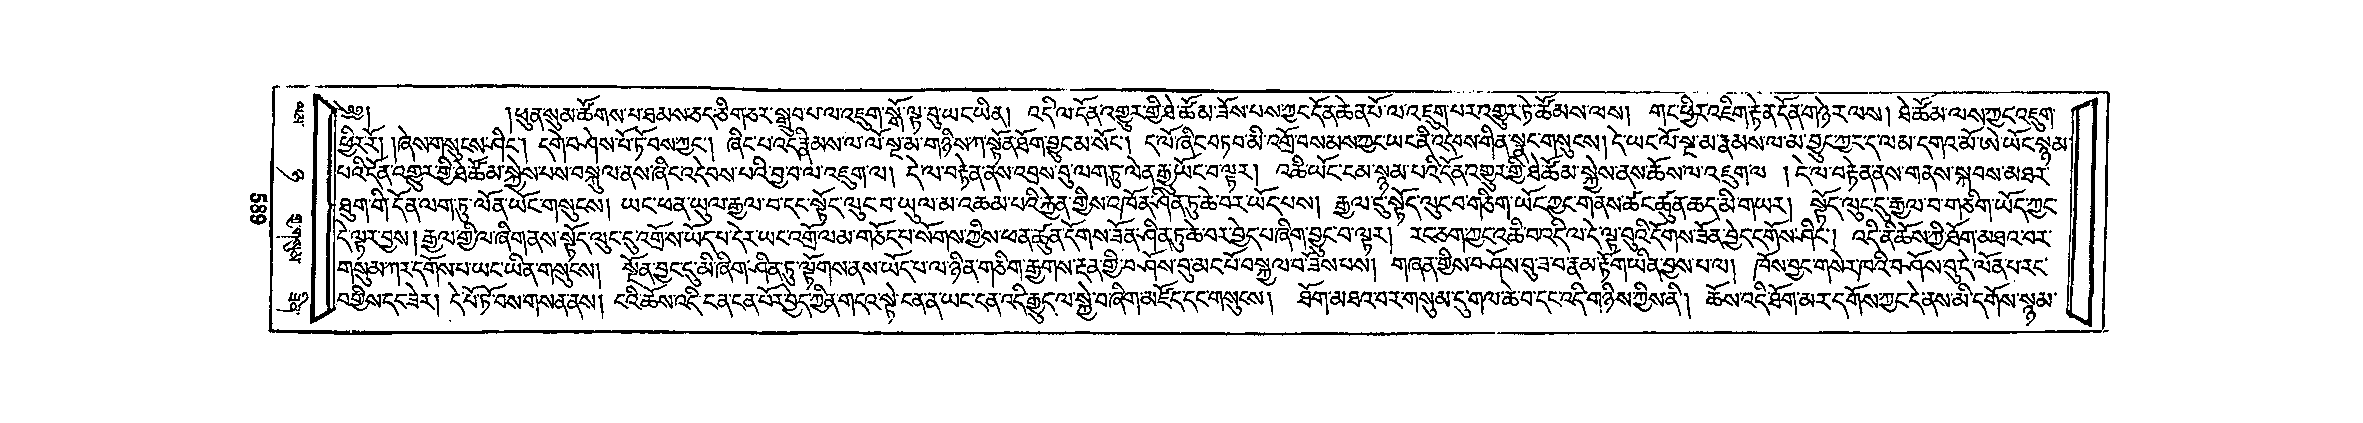༄༅། །ཕུན་སུམ་ཚོགས་པ་ཐམས་ཅད་ཅིག་ཅར་སྒྲུབ་པ་ལ་འཇུག་སྒོ་ལྟ་བུ་ཡང་ཡིན། འདི་ལ་དོན་འགྱུར་གྱི་ཐེ་ཚོམ་ཟོས་པས་ཀྱང་དོན་ཆེན་པོ་ལ་འཇུག་པར་འགྱུར་ཏེ་ཚོམས་ལས། གང་ཕྱིར་འཇིག་རྟེན་དོན་གཉེར་ལས། ཐེ་ཚོམ་ལས་ཀྱང་འཇུག་
ཕྱིར་རོ། །ཞེས་གསུངས་ཤིང་། དགེ་བཤེས་པོ་ཏོ་བས་ཀྱང་། ཞིང་པ་འདི་རྣམས་ལ་ལོ་སྔ་མ་གཉིས་ཀ་སྟོན་ཐོག་བྱུང་མ་སོང་། ད་ལོ་ཞིང་བཏབ་མི་འགྲོ་བསམས་ཀྱང་ཡང་ནི་འདེབས་གིན་སྣང་གསུངས། དེ་ཡང་ལོ་སྔ་མ་རྣམས་ལ་མ་བྱུང་ཀྱང་ད་ལམ་དགའ་མོ་ཨེ་ཡོང་སྙམ་
པའི་དོན་འགྱུར་གྱི་ཐེ་ཚོམ་སྐྱེས་པས་བསྐུལ་ནས་ཞིང་འདེབས་པའི་བྱ་བ་ལ་འཇུག་ལ། དེ་ལ་བརྟེན་ནས་འབྲས་བུ་ལག་ཏུ་ལེན་རྒྱུ་ཡོང་བ་ལྟར། འཆི་ཡོང་ངམ་སྙམ་པའི་དོན་འགྱུར་གྱི་ཐེ་ཚོམ་སྐྱེས་ནས་ཆོས་ལ་འཇུག་ལ། དེ་ལ་བརྟེན་ནས་གནས་སྐབས་མཐར་
ཐུག་གི་དོན་ལག་ཏུ་ལོན་ཡོང་གསུངས། ཡང་ཕན་ཡུལ་རྒྱལ་བ་དང་སྟོད་ལུང་བ་ཡུལ་མ་འཆམ་པའི་རྐྱེན་གྱིས་འཁོན་ཤིན་ཏུ་ཆེ་བར་ཡོད་པས། རྒྱལ་དུ་སྟོད་ལུང་བ་གཅིག་ཡོད་ཀྱང་གནས་ཚང་ཚུན་ཆད་མི་གཡར། སྟོད་ལུང་དུ་རྒྱལ་བ་གཅིག་ཡོད་ཀྱང་
དེ་ལྟར་བྱས། རྒྱལ་གྱི་ལ་ཞིག་ནས་སྟོད་ལུང་དུ་འགྲོ་ས་ཡོད་པ་དེར་ཡང་འགྲོ་ལམ་གཅོད་པ་སོགས་ཀྱིས་ཕན་ཚུན་དོགས་ཟོན་ཤིན་ཏུ་ཆེ་བར་བྱེད་པ་ཞིག་བྱུང་བ་ལྟར། རང་ཅག་ཀྱང་འཆི་བ་འདི་ལ་དེ་ལྟ་བུའི་དོགས་ཟོན་བྱེད་དགོས་ཤིང་། འདི་ནི་ཆོས་ཀྱི་ཐོག་མཐའ་བར་
གསུམ་ཀར་དགོས་པ་ཡང་ཡིན་གསུངས། སྔོན་བྱང་དུ་མི་ཞིག་ཤིན་ཏུ་ལྟོགས་ནས་ཡོད་པ་ལ་ཉིན་གཅིག་རྒྱགས་རྔན་གྱི་བཤོས་བུ་མང་པོ་བསྐྱལ་བ་ཟོས་པས། གཞན་གྱིས་བཤོས་བུ་ཟ་བ་རྣམ་རྟོག་ཡིན་བྱས་པ་ལ། ཁོས་བྱང་གསེར་ཁའི་བཤོས་བུ་དེ་ལོན་པ་རང་
བགྱིས་དང་ཟེར། དེ་པོ་ཏོ་བས་གསན་ནས། ངའི་ཆོས་འདི་ངན་ངན་པོར་བྱེད་ཀྱིན་གདའ་སྟེ་ངན་ན་ཡང་ངན་འདི་རྒྱུད་ལ་སྐྱེས་བ་ཞིག་མཛོད་དང་གསུངས། ཐོག་མཐའ་བར་གསུམ་དུག་གལ་ཆེ་བ་དང་འདི་གཉིས་ཀྱིས་ནི། ཆོས་འདི་ཐོག་མར་དགོས་ཀྱང་དེ་ནས་མི་དགོས་སྙམ་